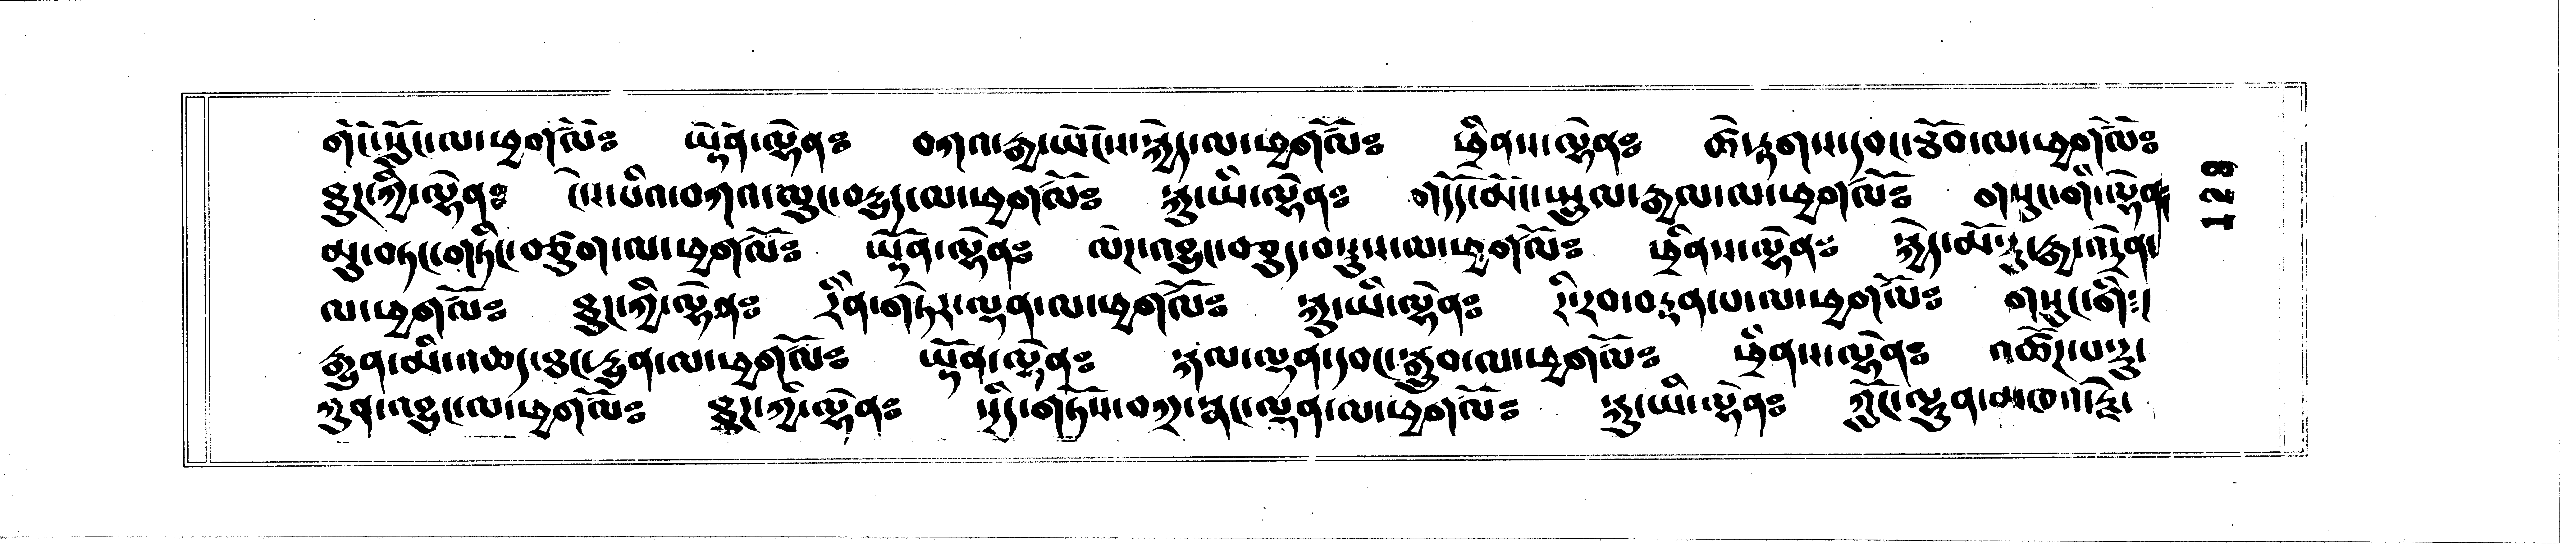གོང་སློང་ལ་ཕྱག་འཚལ་ལོཿ ཡོན་ཏན་གྱི་ལྷ་ཆེནཿ བཀའ་རྒྱ་ཡོངས་བསྐྱེད་ལ་ཕྱག་འཚལ་ལོཿ ཕྲིན་ལས་ཀྱི་ལྷ་ཆེནཿ ཚེ་རྟགས་དབང་ཐོབ་ལ་ཕྱག་འཚལ་ལོཿ 
ཐུགས་ཀྱི་ལྷ་ཆེནཿ ངེས་པའི་བཀའ་ལུང་བརྒྱུད་ལ་ཕྱག་འཚལ་ལོཿ སྐུ་ཡི་ལྷ་ཆེནཿ གདོད་མང་སྤྲུལ་རྒྱལ་ལ་ཕྱག་འཚལ་ལོཿ གསུང་གི་ལྷ་ཆེནཿ 
མུ་བཏང་གཏིང་གཙུག་ལ་ཕྱག་འཚལ་ལོཿ ཡོན་ཏན་གྱི་ལྷ་ཆེནཿ ལེགས་འབྱུང་བཅུད་སྡུད་ལ་ཕྱག་འཚལ་ལོཿ ཕྲིན་ལས་ཀྱི་ལྷ་ཆེནཿ སྐྱེད་མོ་རུ་བརྒྱ་འདྲེན་
ལ་ཕྱག་འཚལ་ལོཿ ཐུགས་ཀྱི་ལྷ་ཆེནཿ རིན་ཆེན་གཏེར་ལྡན་ལ་ཕྱག་འཚལ་ལོཿ སྐུ་ཡི་ལྷ་ཆེནཿ རི་རབ་བརྟན་པ་ལ་ཕྱག་འཚལ་ལོཿ གསུང་གི་ལྷ་ཆེནཿ
 རྒྱུན་མི་འཆད་ཐང་རྒྱུན་ལ་ཕྱག་འཚལ་ལོཿ ཡོན་ཏན་གྱི་ལྷ་ཆེནཿ སྐལ་ལྡན་དབང་སྒྲུབ་ལ་ཕྱག་འཚལ་ལོཿ ཕྲིན་ལས་ཀྱི་ལྷ་ཆེནཿ འཚོགས་པ་རུ་
ཀུན་འབྱུང་ལ་ཕྱག་འཚལ་ལོཿ ཐུགས་ཀྱི་ལྷ་ཆེནཿ སྲིད་གཏོས་བཀྲ་སྣང་ལྡན་ལ་ཕྱག་འཚལ་ལོཿ སྐུ་ཡི་ལྷ་ཆེནཿ ཀློང་ལྷུན་མཁའ་རྗེ་ལ་ཕྱག་འཚལ་ལོཿ གསུང་གི་ལྷ་ཆེནཿ